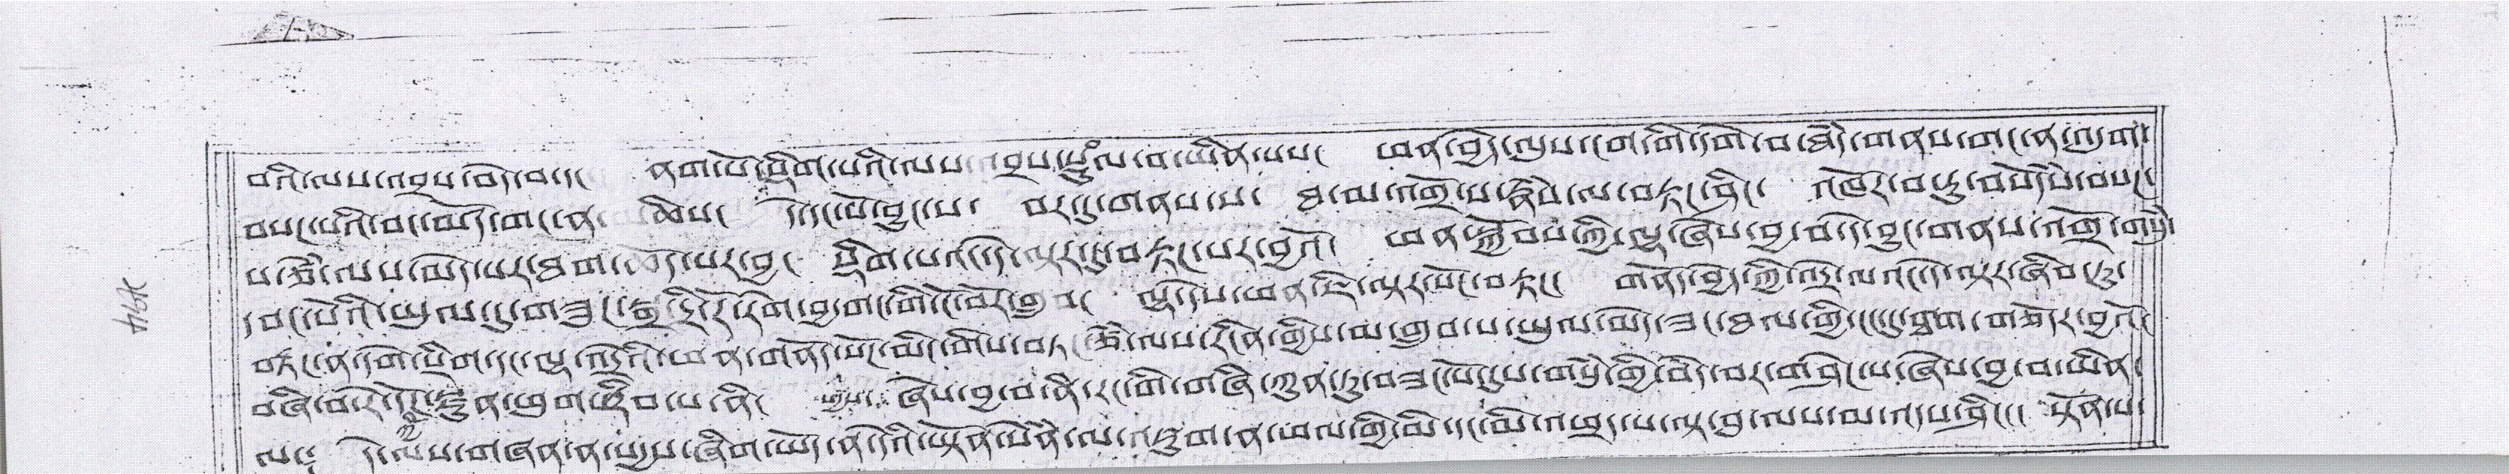བའི་ལས་འབྲས་བདེ་བ་དང་། ནག་པོ་སྡིག་པའི་ལས་འབྲས་སྡུག་བསྔལ་ཡིན་པས། ཕན་བྱེད་ལུས་ངག་གི་དགེ་བ་ཐམས་ཅད་གནས་གང་ན་འདུག 
བསགས་པའི་བང་མཛོད་གང་ན། མཆིས། དང་པོ་བྱུང་ས། བར་དུ་གནས་ས། ཐ་མ་འགྲོ་ས་རྣམས་མ་བརྟགས་ཤིང་། འཁོར་བ་རུ་བསོད་ནམས་བསགས་
པ་ཙམ་ལས་མེད་པར་ཐག་ཆོད་པར་བྱ། སྡིག་པའང་དེ་ལྟར་རུ་བརྟགས་པར་བྱའོ། ཕན་སྐྱོབས་ཀྱི་ལྷ་ཞེས་བྱ་བ་དེ་བྱུང་གནས་འགྲོ་གསུམ་
དབང་པོ་ཡུལ་དུ་གཟུགས་སྒྲ་དྲི་རོ་གང་གི་ངོ་བོར་གྲུབ། ལྷ་དེས་ཕན་ཇི་ལྟར་སོགས་བརྟགས། གནོད་བྱེད་ཀྱི་འདྲེ་ལའང་དེ་ལྟར་ཞིབ་ཏུ་
བརྟགས་ན་དགེ་སྡིག་དང་ལྷ་འདྲེའི་ཕན་གནོད་སོགས་མིང་གིས་བཏགས་ཙམ་ལས་རང་བཞིན་གྱིས་མ་གྲུབ་པ་ཡུལ་མེད་ཟང་ཐལ་གྱི་ངང་དུ་ཐག་གཅོད་པར་བྱའོ། །
གཞི་ལ་རེ་དྭོགས་ཀྱི་རྫུན་ཕུག་རྡིབ་པ་ནི། སངས་རྒྱས་ཞེས་བྱ་བ་ནི་རང་གི་གཞི་ཀུན་ཏུ་བཟང་པོ་དུས་གསུམ་གྱི་བདེ་བར་གཤེགས་པ་ཞེས་བྱ་བ་ཡིན་
ལ། དེ་ལས་གཞན་ན་སངས་རྒྱས་ཤིག་ཡོད་ན་དེའི་ཡོན་ཏན་སེམས་ཅན་ལ་འཇུག་ན་ཕལ་གྱི་མི་དང་མི་འཕྲད་པ་ལྟ་བུ་ལས་མ་འདས་ཤིང་། སྟོན་པ་